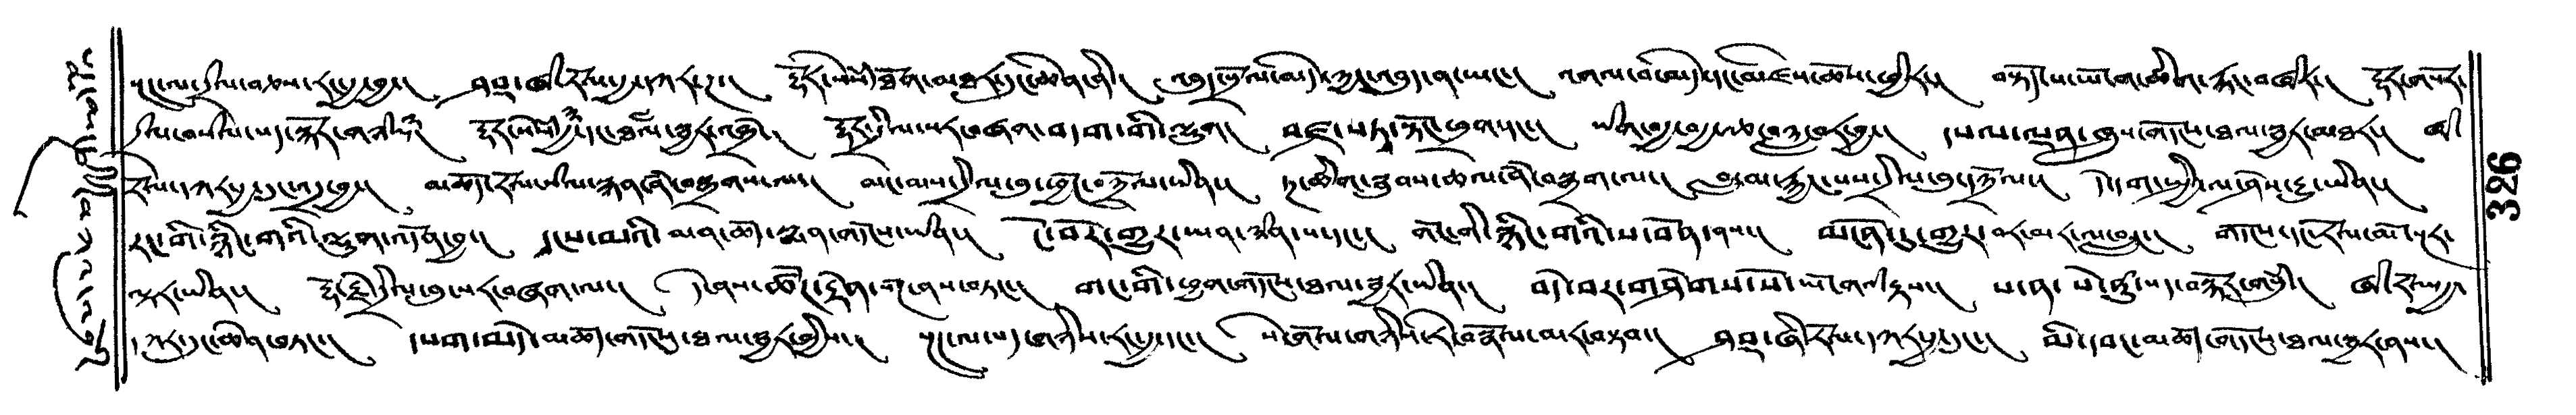།སྔགས་ལ་དྲིལ་བཅས་རང་རྒྱ་བྱ། །ཤབྡ༴ ཞི་རོལ་རྒྱ་དཀར་ཌཱ། །རྡོར་སེམས་ཐོག་མཐར་དུང་ཆེན་ནི། །འབུད་སྲོལ་མེད་མོད་བུས་ན་ཡང་། །འགལ་བ་མེད་དང་མཛེས་ཆོས་ཕྱིར། །བསྟོད་པ་ཡོ་ག་ཚིག་རྐང་བཞིར། །རྡོར་གསོར་
དྲིལ་བསིལ་པད་སྐོར་གཉིས། །རྡོར་སེམས་རྒྱ་དང་ཐལ་སྦྱར་འགྲེ། ། རྡོར་དྲིལ་སར་བཞག་བདག་གི་ལྷུག །བཛྲ་སཏྭ༴ སྟོང་ཕྲག་དང་། །ཡིག་བརྒྱ་བརྒྱ་རྩ་བཟླ་བར་བྱ། །དཔལ་ལྡན༴ ཁྲུས་གདངས་ཐལ་སྦྱར་མཐར། །ཞི་
རོལ་དཀར་རྒྱ་དུང་ཌཱ་བྱ། །མཆོད་རོལ་སིལ་སྙན་ནམ་བསྒྲག་ལ། །མང་མས་དྲིལ་བུ་ཕྱོགས་བཀྲོལ་ཡིན། །རྔ་ཚིག་སྦུབས་ཆལ་ནམ་བསྒྲག་ལ། །བླ་མ་རྐྱང་པས་དྲིལ་བུ་དཀྲོལ། །དེ་དག་སྤྱི་ལ་ཤེས་རྒྱུ་ཡིན། 
རང་གི་སྙིང་ག འི་ལྷུག་འདོན་བྱ། དྭངས་མའི༴ མན་ཆོད་སྨན་གདངས་ཡིན།།ངོ་བོར་གྱུར༴ ཡན་ཟིན་པ་དང་། །གོང་གི་སྙིང་གའི་ས་བོན༴ ནས། །མངོན་དུ་གྱུར༴ བར་མར་ལ་བླང་། །གདངས་དང་རོལ་མོ་སྔར་
ལྟར་ཡིན། །རྡོ་རྗེ་དྲིལ་བུ་སར་བཞག་ལ། །དེ་ནས་ཚོགས་རྟེན༴ སོགས་ནས་བཏང་། །གང་གི༴ ཕྱག་གདངས་ཐལ་སྦྱར་ཡིན། བདེ་བར་གཤེགས་སོ༴ ཡོ་གའི་རྟས། །པ་ན་པེ་ནུ༴ པད་བསྐོར་གསུམ། །ཞི་རོལ་རྒྱ་
དཀར་དུང་ཆེན་བཏང་། །དཔག་མེད༴ མཆོད་གདངས་ཐལ་སྦྱར་གྱིས། །སྔགས་ལ་པད་གཉིས་རང་རྒྱ་དང་། །སེ་གོལ་གཉིས་རེ་བསྣོལ་མར་བསྟབ། །ཤབྡ༴ ཞི་རོལ་དཀར་རྒྱ་དུང་། །མི་དབང༴ མཆོད་གདངས་ཐལ་སྦྱར་ནས།